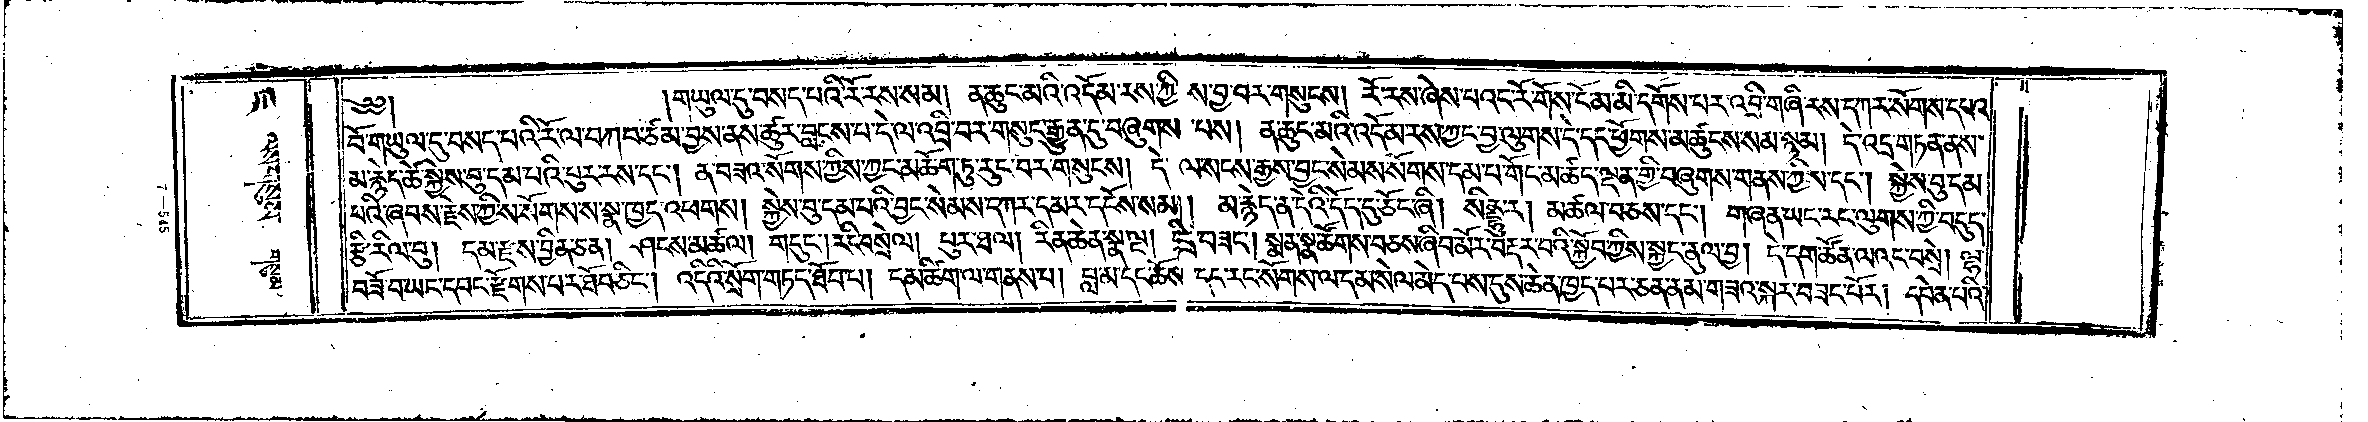༄༅། །གཡུལ་དུ་བསད་པའི་རོ་རས་སམ་ན་ཆུང་མའི་འདོམ་རས་ཀྱིས་བྱེ་བར་གསུངས། རོ་རས་ཞེས་པའང་རོ་གོས་ངོ་མ་མི་དགོས་པར་འབྲི་གཞི་རས་དཀར་སོགས་དཔའ་
པོ་གཡུལ་དུ་བསད་པའི་རོ་ལ་བཀབ་ཙམ་བྱས་ནས་ཚུར་བླངས་པ་དེ་ལ་འབྲི་བར་གསུང་རྒྱུན་དུ་བཞུགས་པས། ན་ཆུང་མའི་འདོམ་རས་ཀྱང་བྱ་ལུགས་དེ་དང་ཕྱོགས་མཚུངས་སམ་སྙམ། དེ་འདྲ་གཏན་ནས་
མ་རྙེད་ཆེ་སྐྱེས་བུ་དམ་པའི་པུར་རས་དང་། ན་བཟའ་སོགས་ཀྱིས་ཀྱང་མཆོག་ཏུ་རུང་བར་གསུངས། དེ་ལ་སངས་རྒྱས་བྱང་སེམས་སོགས་དམ་པ་གོང་མཛད་ལྡན་གྱི་བཞུགས་གནད་ཀྱིས་དང་། སྐྱེས་བུ་དམ་
པའི་ཞབས་རྗེས་ཀྱི་ས་སོགས་ས་སྣ་ཁྱད་འཕགས། སྐྱེས་བུ་དམ་པའི་བྱང་སེམས་དཀར་དམར་དངོས་སམ། མ་རྙེད་ན་དེའི་དོད་དུ་ཅོང་ཞི། སིནྡྷུ་ར། མཚལ་བཅས་དང་། གཞན་ཡང་རང་ལུགས་ཀྱི་བདུད་
རྩི་རི་ལ་བུ། དམ་རྫས་བྱིན་ཅན། ཤངས་མཚལ། གདུང་། རིང་བསྲེལ། པུར་ཐལ། རིན་ཆེན་སྣ་ལྔ། དྲི་བཟང་། སྨན་སྣ་ཚོགས་བཅས་ཞིབ་མོར་བརྡར་བའི་སྐྱོབ་ཀྱིས་ཀྱང་ནུལ་བྱ། དེ་དག་ཚོན་ལའང་བསྲེ། ལྷ་
བཟོ་བ་ཡང་དབང་རྫོགས་པར་ཐོབ་ཅིང་། འདིའི་སྲོག་གཏད་ཐོབ་པ། དམ་ཚིག་ལ་གནས་པ། བླ་མ་དང་ཆོས་དང་རང་སོགས་ལ་དམ་སེལ་མེད་པས་དུས་ཆེན་ཁྱད་པར་ཅན་ནམ་གཟའ་སྐར་བཟང་པོར། དབེན་པའི་